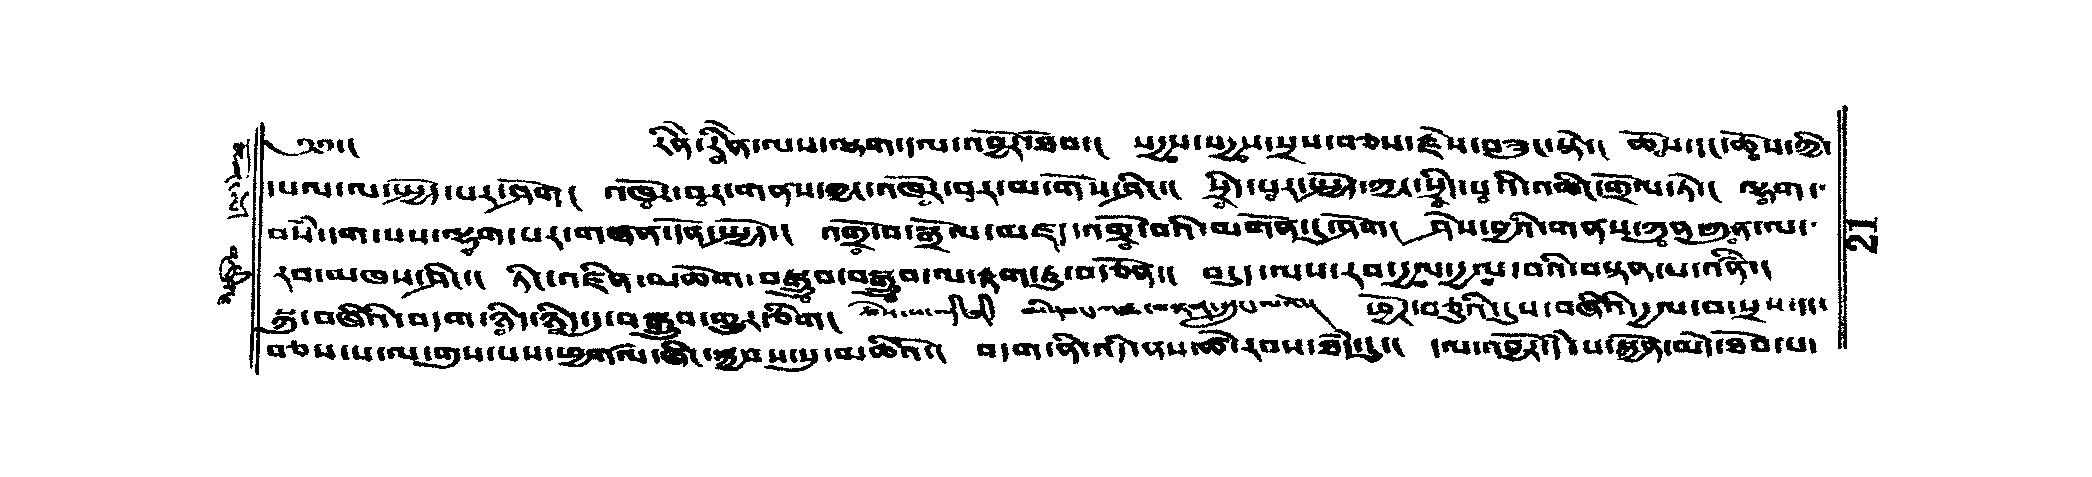།རིན་ཆེན་རིན་ཆེན་ལས་ལྷག་དལ་འབྱོར་ཐོབ། །སངས་རྒྱས་སངས་རྒྱས་སྲས་བཅས་རྗེས་བཟུང་སྟེ། །ཆོས་དང་ཆོས་ཀྱི་
དཔལ་ལ་སྤྱོད་པར་ཤོག །འཁོར་བར་གནས་ཀྱང་འཁོར་བས་མ་གོས་ཤིང་། །སྲིད་པར་སྤྱོད་ཀྱང་སྲིད་པའི་འཆིང་གྲོལ་ཏེ། །ལྷག་
བསམ་དག་པས་ལྷག་པར་གཞན་དོན་སྤྱོད། །འགྲོ་བ་སྒྲོལ་མཛད་འགྲོ་བའི་མགོན་དུ་ཤོག །ཤེས་བྱའི་གནས་ཀུན་ཀུན་ལ་
རབ་མཁས་ཤིང་། །ཏིང་འཛིན་མཆོག་བསྒྲུབ་སྒྲུབ་ལ་རྟག་ཏུ་བརྩོན། །བདུད་ལས་རབ་རྒྱལ་རྒྱལ་བའི་བསྟན་པ་འཛིན། །
སྐུ་བཞིའི་བདག་ཉིད་ཉིད་དུ་བསྒྲུབ་གྱུར་ཅིག ཅེས་པ་འདི་ནི། མི་དབང་ཀརྨ་བསྟན་སྲུང་ལའོ།། ཕྱོགས་བཅུའི་དུས་བཞིའི་རྒྱལ་བ་སྲས་དང་
བཅས་པ་ལ་གུས་པས་ཕྱག་འཚལ་ཞིང་སྐྱབས་སུ་མཆིའོ། བདག་ནི་འདི་ནས་ཚེ་རབས་ཐམས་ཅད་དུ། །དལ་འབྱོར་དམ་པ་སྐྱོན་མེད་ཐོབ་པ་